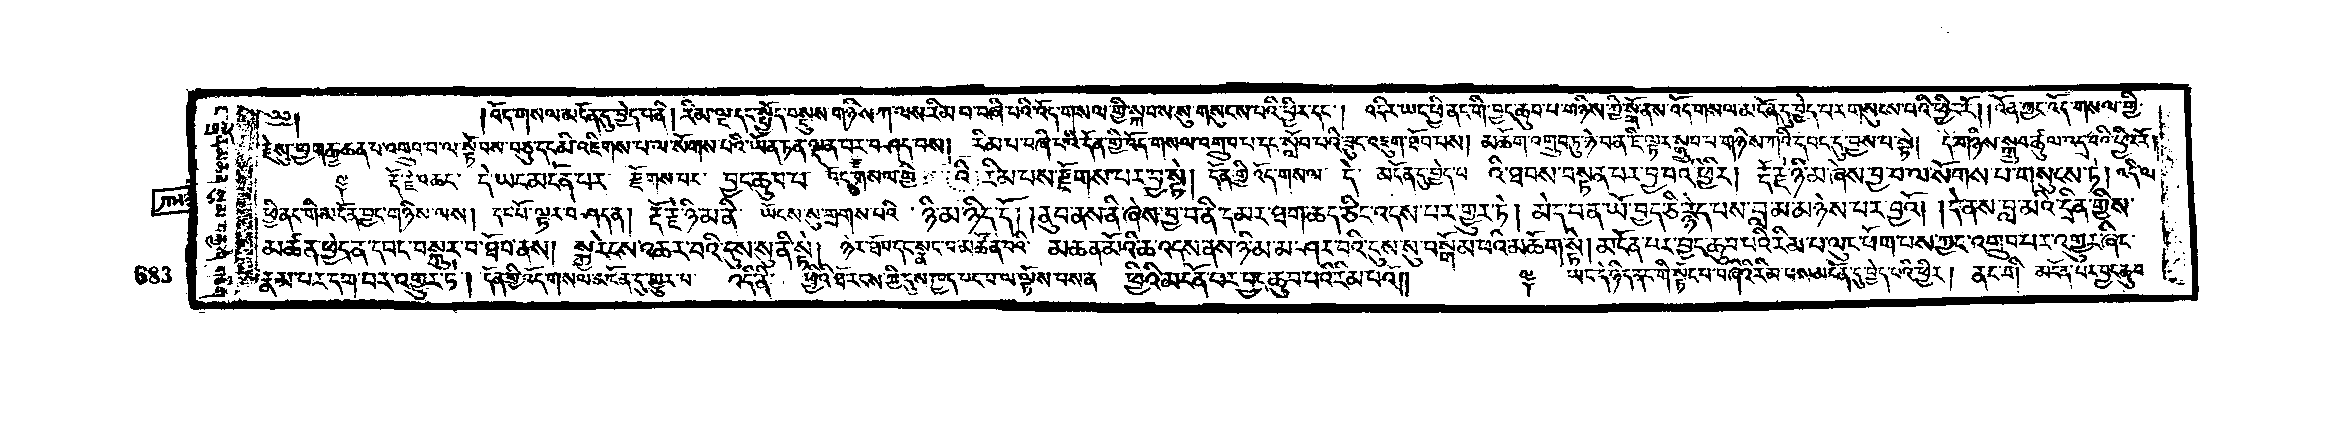༄༅། །འོད་གསལ་མངོན་དུ་བྱེད་པ་ནི། རིམ་ལྔ་དང་སྤྱོད་བསྡུས་གཉིས་ཀ་ལས་རིམ་པ་བཞི་པའི་འོད་གསལ་གྱི་སྐབས་སུ་གསུངས་པའི་ཕྱིར་དང་། འདིར་ཡང་ཕྱི་ནང་གི་བྱང་ཆུབ་པ་གཉིས་ཀྱི་སྒོ་ནས་འོད་གསལ་མངོན་དུ་བྱེད་པར་གསུངས་པའི་ཕྱིར་རོ། །འོན་ཀྱང་འོད་གསལ་གྱི་
རྗེས་སུ་ཕྱག་རྒྱ་ཆེན་པོ་?་འགྲུབ་པ་ལ་སྟོབས་བཅུ་དང་མི་འཇིགས་པ་ལ་སོགས་པའི་ཡོན་ཏན་ལྡན་པར་བཤད་པས། རིམ་པ་བཞི་པའི་དོན་གྱི་འོད་གསལ་འགྲུབ་པ་དང་སློབ་པའི་ཟུང་འཇུག་ཐོབ་པས། མཆོག་འགྲུབ་ཏུ་ཉེ་བ་ན་ཇི་ལྟར་སྒྲུབ་པ་གཉིས་ཀའི་དབང་དུ་བྱས་པ་སྟེ། དེ་གཉིས་སྒྲུབ་ཚུལ་འདྲ་བའི་ཕྱིར་རོ། །
༈ རྡོ་རྗེ་འཆང་དེ་ཡང་མངོན་པར་རྫོགས་པར་བྱང་ཆུབ་པ་འོད་གསལ་གྱིའི་རིམ་པས་རྫོགས་པར་བྱ་སྟེ། དོན་གྱི་འོད་གསལ་དེ་མངོན་དུ་བྱེད་པའི་ཐབས་བསྟན་པར་བྱ་བའི་ཕྱིར། རྡོ་རྗེ་ཉི་མ་ཞེས་བྱ་བ་ལ་སོགས་པ་གསུངས་ཏེ། འདི་ལ་
ཕྱི་ནང་གི་མངོན་བྱང་གཉིས་ལས། དང་པོ་ལྟར་བཤད་ན། རྡོ་རྗེ་ཉི་མ་ནི་ཡོངས་སུ་གྲགས་པའི་ཉི་མ་ཉིད་དོ། །ནུབ་ནས་ནི་ཞེས་བྱ་བ་ནི་དམར་ཐག་ཆད་ཅིང་འདས་པར་གྱུར་ཏེ། མེད་པ་ན་ཡོ་བྱད་ཅི་རྙེད་པས་བླ་མ་མཉེས་པར་བྱའོ། །དེ་ནས་བླ་མའི་དྲིན་གྱིས་
མཚན་ཕྱེད་ན་དབང་བསྐུར་བ་ཐོབ་ནས། སྐྱ་རེངས་འཆར་བའི་དུས་སུ་ནི་སྟེ། ཉེར་ཐོབ་དང་སྣང་བ་མཚོན་པའི་མཚན་མོའི་ཆ་འདས་ནས་ཉི་མ་མ་ཤར་བའི་དུས་སུ་བསྒོམ་པའི་མཆོག་སྟེ། མངོན་པར་བྱང་ཆུབ་པའི་རིམ་པ་ལུང་ཕོག་པས་ཀྱང་འགྲུབ་པར་འགྱུར་ཞིང་
རྣམ་པར་དག་པར་འགྱུར་ཏེ། དོན་གྱི་འོད་གསལ་མངོན་དུ་གྱུར་པ་འདི་ནི་ཕྱིའི་ཐོ་རངས་ཀྱི་དུས་ཁྱད་པར་བ་ལ་ལྟོས་པས་ན་ཕྱིའི་མངོན་པར་བྱང་ཆུབ་པའི་རིམ་པའོ།། ༈ ཡང་དེ་ཉིད་ནང་གི་སྟོང་པ་བཞིའི་རིམ་པས་མངོན་དུ་བྱེད་པའི་ཕྱིར། ནང་གི་མངོན་པར་བྱང་ཆུབ་